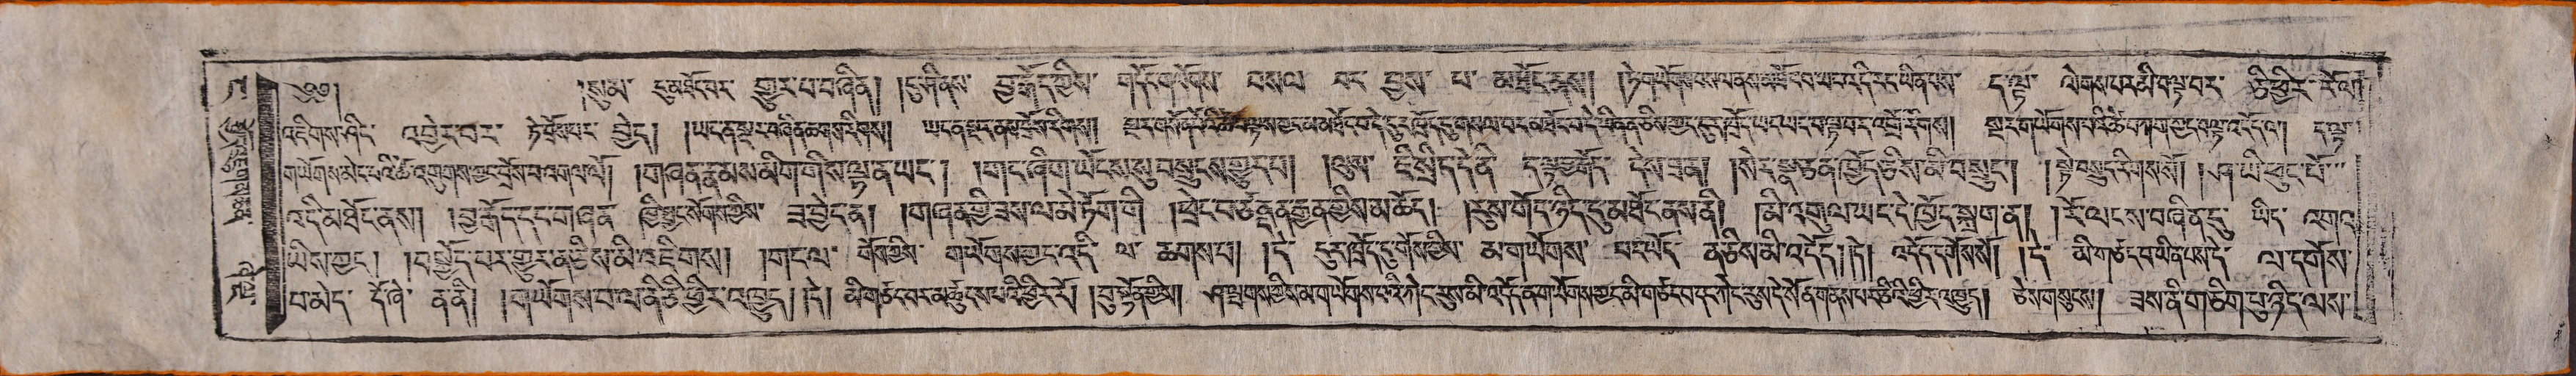༄༅། །སུམ་དུ་མཐོང་བར་གྱུར་པ་བཞིན། །དུ་ཤི་ནས་བྱ་རྒོད་ཀྱིས་གདོང་གཡོགས་བསལ་བར་བྱས་པ་མཐོང་ནས། །དེ་གཡོགས་བསལ་ནས་མཐོང་བ་ཡང་འདི་རང་ཡིན་པས་ད་ལྟ་ལེགས་པར་མི་བལྟ་བར་ཅི་ཕྱིར་རོ་ལ་
འཇིགས་ཤིང་འབྱེར་བར་ཏེ་བྲོས་པར་བྱེད། །ཡང་ན་སྔར་བཞིན་ཆགས་རིགས། ཡང་ན་སྔར་ནས་བྲོས་རིགས། སྔར་གསོན་པོའི་ཚེ་བལྟས་ཀྱང་མི་མཐོང་བ་དེ་དུར་ཁྲོད་དུ་གསལ་བར་མཐོང་བ་དེ་ཡིན་ན་ཅིས་ཀྱང་དུར་ཁྲོད་ཡང་ཡང་བལྟ་བར་འགྲོ་རིགས། སྔར་གཡོགས་པའི་ཚེ་བཀག་ཀྱང་བལྟ་འདོད་ལ། ད་ལྟ་
གཡོགས་མེད་པའི་ཚེ་འགུགས་ཀྱང་བྲོས་པ་འགལ་ལོ། །གཞན་རྣམས་མིག་གིས་ལྟ་ན་ཡང་། །གང་ཞིག་ཡོངས་སུ་བསྲུངས་གྱུར་པ། །ལུས་ཇི་སྲིད་དེ་ནི་དེ་ལྟ་ཕྱག་རྒོད་དེས་ཟ་ན། །སེར་སྣ་ཅན་ཁྱོད་ཅིས་མི་བསྲུང་། །སྟེ་བསྲུང་རིགས་སོ།  །ཤ་ཡི་ཕུང་པོ་
འདི་མཐོང་ནས། །བྱ་རྒོད་དན་གཞན་ཁྱི་སྦྱང་སོགས་ཀྱིས་ཟ་བྱེད་ན། །གཞན་གྱི་ཟས་ལ་མེ་ཏོག་གི །ཕྲེང་བ་ཙནྡན་རྒྱན་གྱིས་མཆོད། །རུས་གོང་ཉིད་དུ་མཐོང་ན་ནི། །མི་འགུལ་ཡང་དེ་ཁྱོད་སྐྲག་ན། །རོ་ལངས་བཞིན་དུ་ཡིད་འགའ་
ཡིས་ཀྱང་། །བསྐྱོད་པར་གྱུར་ན་ཅིས་མི་འཇིགས། །གང་ལ་གོས་ཀྱིས་གཡོགས་ཀྱང་འདི་ལ་ཆགས་པ། །དེ་དུར་ཁྲོད་དུ་གོས་ཀྱིས་མ་གཡོགས་པར་ཡོད་ན་ཅིས་མི་འདོད། །དེ། འདོད་དགོས་སོ།  དེ་མི་གཙང་བ་ཡིན་པས་དེ་ལ་དགོས་
པ་མེད་དོ་ཞེ་ན་ནི། །གཡོགས་པ་ལ་ནི་ཅི་ཕྱིར་འཁྱུད། །དེ། མི་གཅང་བར་མཚུངས་པའི་ཕྱིར་རོ། །བུ་སྟོན་གྱིས། །ཤ་ལྤགས་ཀྱིས་མ་གཡོགས་པའི་ཀེང་རུས་མི་འདོད་ན་གཡོགས་ཀྱང་མི་གཙང་བ་དན་ཀེང་རུས་དེ་སོ་ན་གནས་པར་ཅིའི་ཕྱིར་འཁྱུད། ཅེས་གསུངས། ཟས་ནི་གཅིག་པུ་ཉིད་ལས་